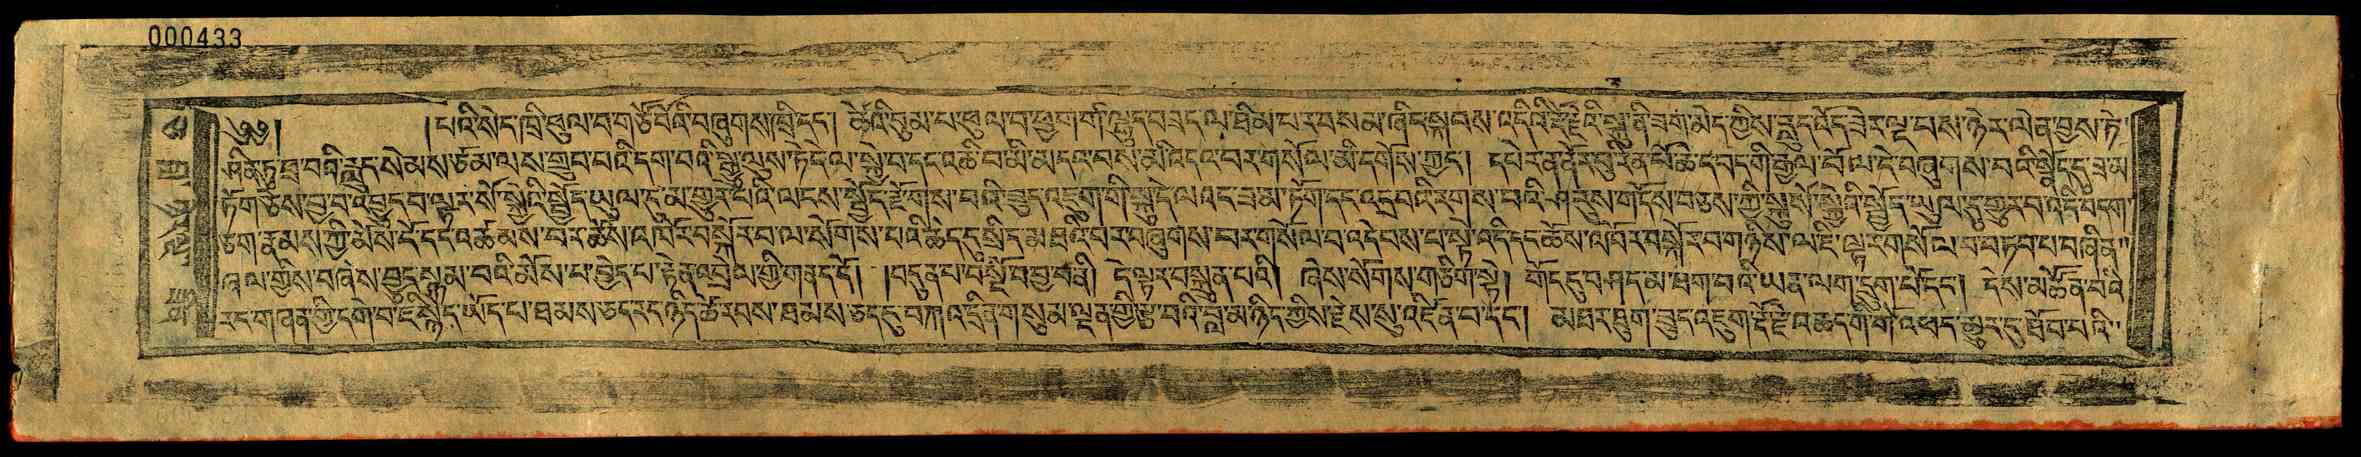༄༅། །པའི་སེང་ཁྲི་ཕུལ་བ་གཙོ་བོའི་བཞུགས་ཁྲི་དང་། ཚེའི་བུམ་པ་ཕུལ་བ་ཕྱག་གི་ལྟུང་བཟེད་ལ་ཐིམ་པར་བསམ་ཞིང་སྐབས་འདིའི་རྡོ་རྗེའི་སྐུ་ནི་ཟག་མེད་ཀྱི་རླུང་འོད་ཟེར་ལྔ་པས་ཉེར་ལེན་བྱས་ཏེ་
ཤིན་ཏུ་ཕྲ་བའི་རླུང་སེམས་ཙམ་ལས་གྲུབ་པའི་དག་པའི་སྒྱུ་ལུས་ཏེ་དེ་ལ་སྐྱེ་བ་དང་འཆི་བ་མི་མངའ་བས་མི་འདའ་བར་གསོལ་མི་དགོས་ཀྱང་། དཔེར་ན་ནོར་བུ་རིན་པོ་ཆེ་དབང་གི་རྒྱལ་པོ་དེ་ལ་བཞུགས་པའི་སྣོད་དུ་ཟ་མ་
ཏོག་ཅེས་བྱ་བ་འབྱུང་བ་ལྟར་སོ་སྐྱེའི་སྤྱོད་ཡུལ་དུ་མ་གྱུར་པའི་ལོངས་སྤྱོད་རྫོགས་པའི་ཟུང་འཇུག་གི་སྐུ་དེ་ལའང་ཟ་མ་ཏོག་དང་འདྲ་བའི་རགས་པའི་ཤ་རུས་གདོས་བཅས་ཀྱི་སྐུ་སོ་སྐྱེའི་སྤྱོད་ཡུལ་དུ་གྱུར་པ་འདི་བདག་
ཅག་རྣམས་ཀྱི་མོས་ངོ་དང་འཚམས་པར་ཆོས་འཁོར་བསྐོར་བ་ལ་སོགས་པའི་ཆེད་དུ་སྲིད་མཐའི་བར་བཞུགས་པར་གསོལ་བ་འདེབས་པ་སྟེ་འདི་དང་ཆོས་འཁོར་བསྐོར་བ་གཉིས་ལ་ཇི་ལྟར་གསོལ་བ་བཏབ་པ་བཞིན་
ཞལ་གྱིས་བཞེས་བྱུང་སྙམ་པའི་མོས་པ་བྱེད་པ་རྟེན་འབྲེལ་གྱི་གནད་དོ། །བདུན་པ་བསྔོ་བ་བྱ་བ་ནི། དེ་ལྟར་བསྐྲུན་པའི། ཞེས་སོགས་གཅིག་སྟེ། གོང་དུ་བཤད་མ་ཐག་པའི་ཡན་ལག་དྲུག་པོ་དང་། དེས་མཚོན་པའི་
རང་གཞན་གྱི་དགེ་བ་ཇི་སྙེད་ཡོད་པ་ཐམས་ཅད་རང་ཉིད་ཚེ་རབས་ཐམས་ཅད་དུ་བཀའ་དྲིན་གསུམ་ལྡན་གྱི་རྩ་བའི་བླ་མ་ཉིད་ཀྱིས་རྗེས་སུ་འཛིན་པ་དང་། མཐར་ཐུག་ཟུང་འཇུག་རྡོ་རྗེ་འཆང་གི་གོ་འཕང་མྱུར་དུ་ཐོབ་པའི་